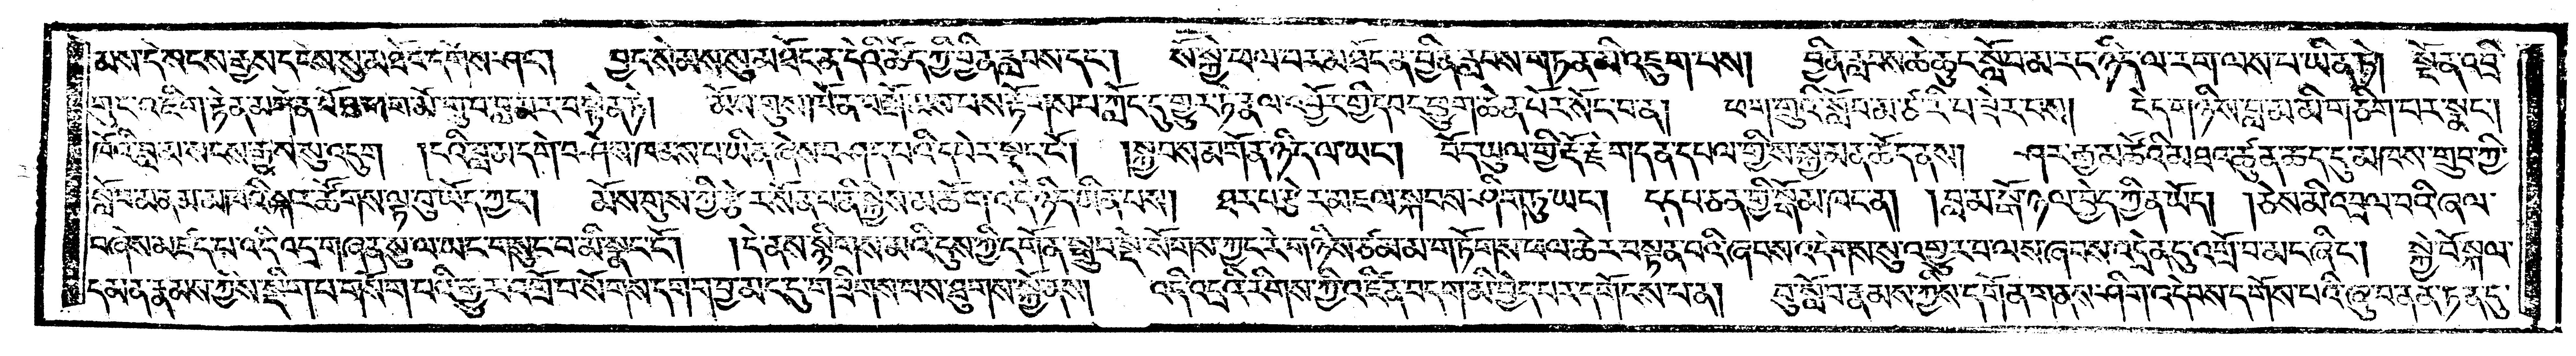མས་དེ་སངས་རྒྱས་དངོས་སུ་མཐོང་དགོས་ཤིང་། བྱང་སེམས་སུ་མཐོང་ན་དེའི་ཚོད་ཀྱི་བྱིན་རླབས་དང་། སོ་སྐྱེ་ཕལ་བར་མཐོང་ན་བྱིན་རླབས་གཏན་མི་འཇུག་པས། བྱིན་རླབས་ཆེ་ཆུང་སློང་མ་རང་ཉིད་ལ་རག་ལས་པ་ཡིན་ཏེ། སྔོན་འབྲི་
གུང་འཇིག་རྟེན་མགོན་པོས་ཕག་མོ་གྲུ་པ་བླ་མར་བསྟེན་ཏེ། མོས་གུས་ཁོ་ན་བསྒོམས་པས་རྟོགས་བ་ཀློང་དུ་གྱུར་ཏེ་རྣལ་འབྱོར་གྱི་དབང་ཕྱུག་ཆེན་བོར་སོང་བ་ན། ཕག་གྲུའི་སློབ་མ་ཙ་རི་བ་ཟེར་བས། དེད་གཉིས་བླ་མ་མི་གཅིག་བར་སྣང་།
ཁོའི་བླ་མ་སངས་རྒྱས་སུ་འདུག །ངའི་བླ་མ་དགེ་བཤེས་ཁམས་པ་ཡིན་ཞེས་བཤད་པའི་དཔེར་སྣང་ངོ། །སྐྱབས་མགོན་ཉིད་ལ་ཡང་། བོད་ཡུལ་གྱི་རྡོ་རྗེ་གདན་དཔལ་གྱི་ས་སྐྱ་མན་ཆོད་ནས། ཤར་རྒྱ་མཚོའི་མཐའ་ཚུན་ཆད་དུ་མཁས་གྲུབ་ཀྱི་
སློབ་མནམ་མཁའི་སྐར་ཚོགས་ལྟ་བུ་ཡོད་ཀྱང་། མོས་གུས་ཀྱི་རྩེར་སོན་པ་ནི་སྐྱེས་མཆོག་འདི་ཉིད་ཡིན་པས། ཐར་བརྩེར་མཇལ་སྐབས་ཤིག་ཏུ་ཡང་། དད་པ་ཅན་གྱི་སྒོམ་ཁང་ན། །བླ་མ་སྒོ་ཉལ་བྱེད་ཀྱིན་ཡོད། །ཅེས་མི་འབྲལ་བའི་ཞལ་
བཞེས་མཛད་པ་འདི་འདྲ་གཞན་སུ་ལ་ཡང་གསུང་བ་མི་སྣང་ངོ། །དེ་ནས་སྙིགས་མའི་དུས་ཀྱི་དགོན་སྒྲུབ་སྡེ་སོགས་ཀྱང་རེ་གཉིས་ཙམ་མ་གཏོགས་ཕལ་ཆེར་བསྟན་བའི་ཞབས་འདེགས་སུ་འགྱུར་བ་ལས་ཞབས་འདྲེན་དུ་འགྲོ་བ་མང་ཞིང་། སྐྱེ་བོ་སྐལ་
དམན་རྣམས་ཀྱིས་སྡིག་པ་གསོག་པའི་རྒྱུར་འགྲོ་བ་སོགས་དགག་བྱ་མང་དུ་གཟིགས་པས་ཐུགས་སྐྱོ་ནས། འདི་འདྲའི་རིགས་ཀྱི་འཛིན་བདག་མི་བྱེད་པར་དགོངས་པ་ན། བུ་སློབ་རྣམས་ཀྱིས་དགོན་གནས་ཤིག་འདེབས་དགོས་པའི་ཞུ་བ་ནན་ཏན་དུ་